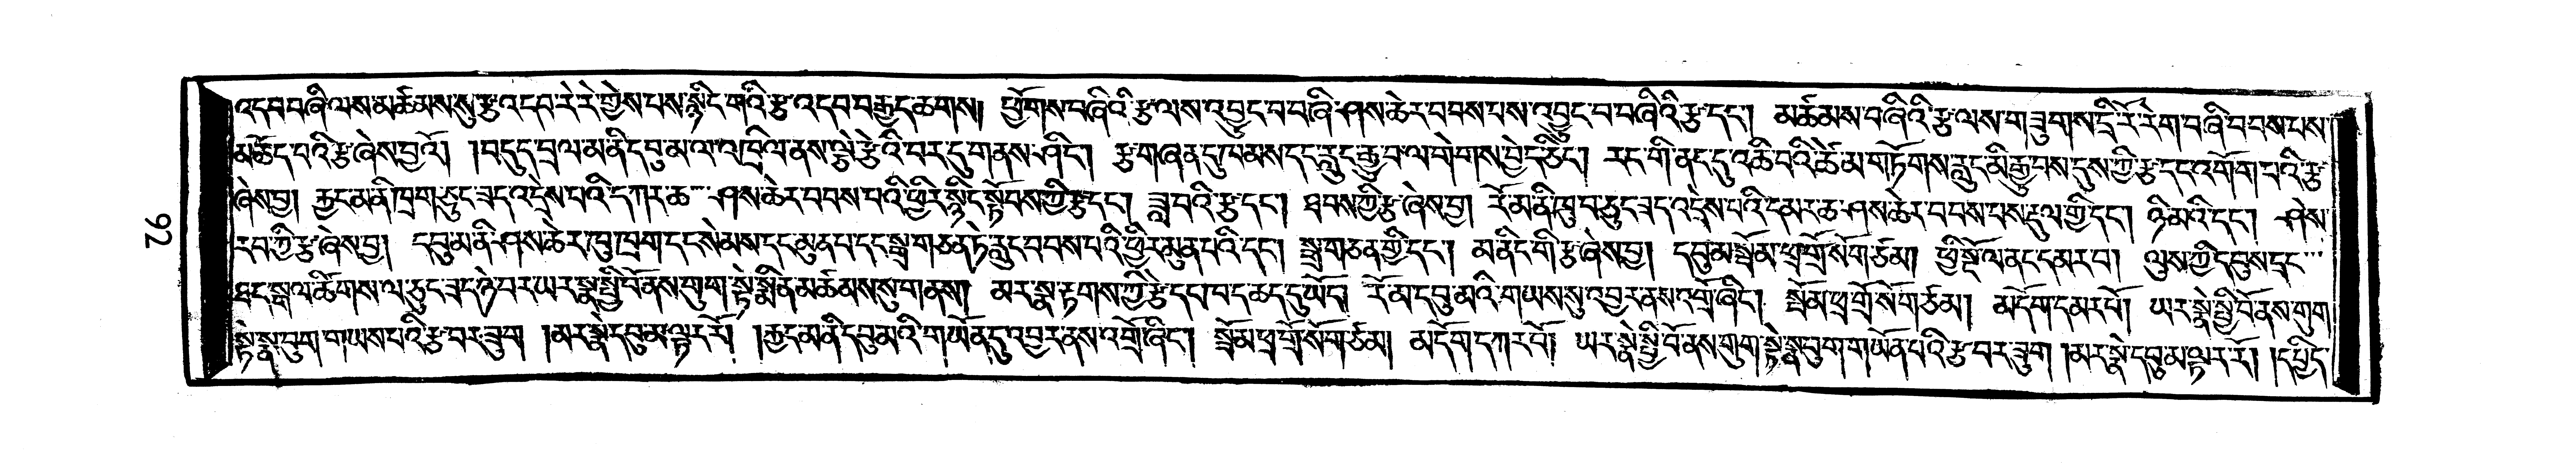འདབ་བཞི་ལས་མཚམས་སུ་རྩ་འདབ་རེ་རེ་གྱེས་པས་སྙིང་གའི་རྩ་འདབ་བརྒྱད་ཆགས། ཕྱོགས་བཞིའི་རྩ་ལས་འབྱུང་བ་བཞི་ཤས་ཆེར་བབས་བས་འབྱུང་བ་བཞིའི་རྩ་དང་། མཚམས་བཞིའི་རྩ་ལས་གཟུགས་དྲི་རོ་རེག་བཞི་བབས་ངས་
མཆོད་པའི་རྩ་ཞེས་བྱའོ། །བདུད་བྲལ་མ་ནི་དབུ་མ་ལ་འཁྲིལ་ནས་ལྕེ་རྩེའི་བར་དུ་གནས་ཤིང་། རྩ་གཞན་དུ་ཁམས་དང་རླུང་རྒྱུ་བ་ལ་གེགས་བྱེད་ཅིང་། རང་གི་ནང་དུ་འཆི་བའི་ཚེ་མ་གཏོགས་རླུང་མི་རྒྱུ་བས་དུས་ཀྱི་རྩ་དང་འགོག་པའི་རྩ་
ཞེས་བྱ། རྐྱང་མ་ནི་ཁྲག་ཅུང་ཟད་འདྲེས་པའི་དཀར་ཆ་ཤས་ཆེར་བབས་པའི་ཕྱིར་སྙིང་སྟོབས་ཀྱི་རྩ་དང་། ཟླ་བའི་རྩ་དང་། ཐབས་ཀྱི་རྩ་ཞེས་བྱ། རོམ་ནི་ཁུ་བ་ཅུང་ཟད་འདྲེས་པའི་དམར་ཆ་ཤས་ཆེར་བབས་པས་རྡུལ་གྱི་དང་། ཉི་མའི་དང་། ཤེས་
རབ་ཀྱི་རྩ་ཞེས་བྱ། དངུམ་ནི་ཤས་ཆེར་ཁུ་ཁྲག་དང་སེམས་དང་མུན་པ་དང་སྒྲ་གཅན་ཏེ་རླུང་བབས་པའི་ཕྱིར་མུན་པའི་དང་། སྒྲ་གཅན་གྱི་དང་། མ་ནིང་གི་རྩ་ཞེས་བྱ། དབུ་མ་སྦོམ་ཕྲ་གྲོ་སོག་ཙམ། ཕྱི་སྡེ་ལ་ནང་དམར་བ། ལུས་ཀྱི་དབུས་དྲང་
ཐད་སྒལ་ཚིགས་ལ་ཅུང་ཟད་ཉེ་བར་ཡར་སྣ་སྤྱི་བོ་ནས་གུག་སྟེ་སྨིན་མཚམས་སུ་གནས། མར་སྣ་རྟགས་ཀྱི་རྩེ་དང་ཁ་ད་ཆད་དུ་ཡོད། རོ་མ་དབུ་མའི་གཡས་སུ་འབྱར་ནས་འགྲོ་ཞིང་། སྦོམ་ཕྲ་གྲོ་སོག་ཙམ། མདོག་དམར་པོ། ཡར་སྣི་སྤྱི་བོ་ནས་གུག་
སྟེ་སྣ་བུག་གཡས་པའི་རྩ་བར་ཟུག །མར་སྣེ་དབུ་མ་ལྟར་རོ། །རྐྱང་མ་ནི་དབུ་མའི་གཡོན་དུ་འབྱར་ནས་འགྲོ་ཞིང་། སྦོམ་ཕྲ་གྲོ་སོག་ཙམ། མདོག་དཀར་པོ། ཡར་སྣེ་སྤྱི་བོ་ནས་གུག་སྟེ་སྣ་བུག་གཡོན་པའི་རྩ་བར་ཟུག །མར་སྣེ་དབུ་མ་ལྟར་རོ། །དཔྱིད་